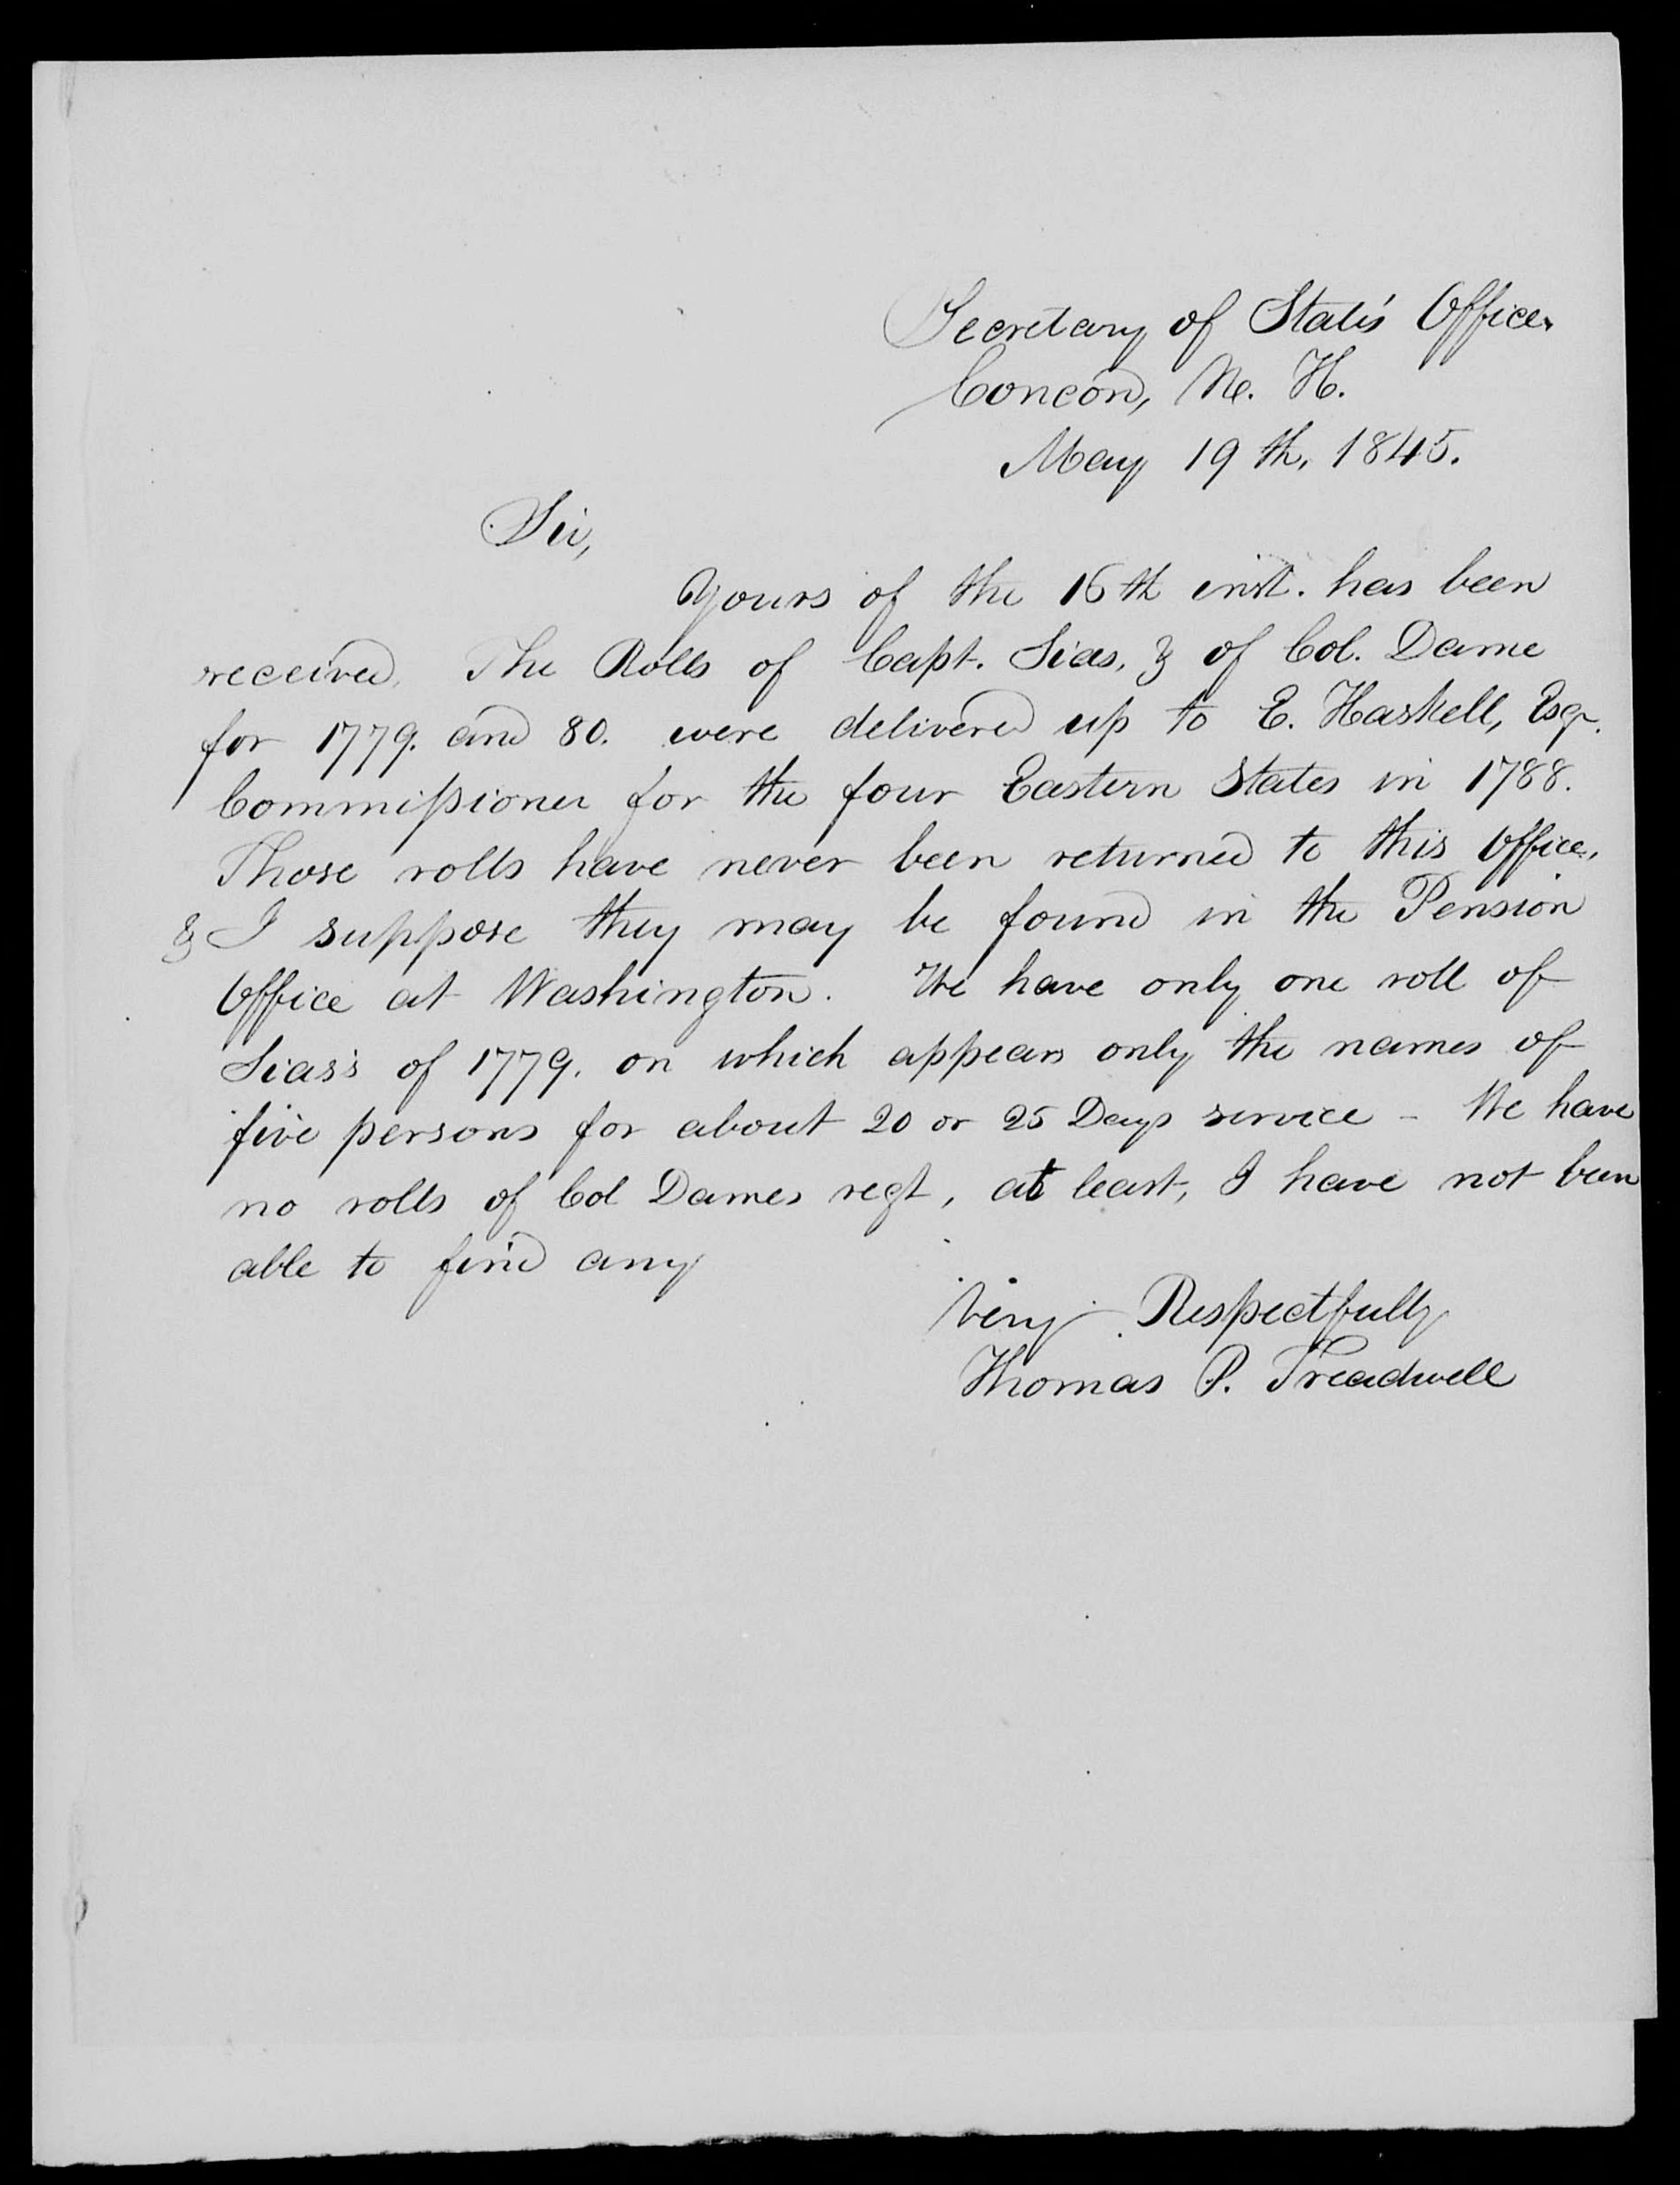Secretary of States Office
Concord, N.H.
May 19th, 1845.
Sir,
Yours of the 16th inst has been received. The Rolls of Capt. Sias, and of Col. Dame for 1779 and 80 were delivered up to E. Haskell, Esq. Commissioner for the four Eastern States in 1788. Those rolls have never been returned to this Office, and I suppose they may be found in the Pension Office at Washington. We have only one roll of Sias's of 1779 on which appears only the names of five persons for about 20 or 25 days service. We have no rolls of Col Dames regt, at least, I have not been able to find any
Very Respectfully
Thomas P. Treadwell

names: Sias, Dame, E Haskell, Sias, Thomas P Treadwell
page: 36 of 47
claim: widow's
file: W. 24043, Jacob Davis, N.H.